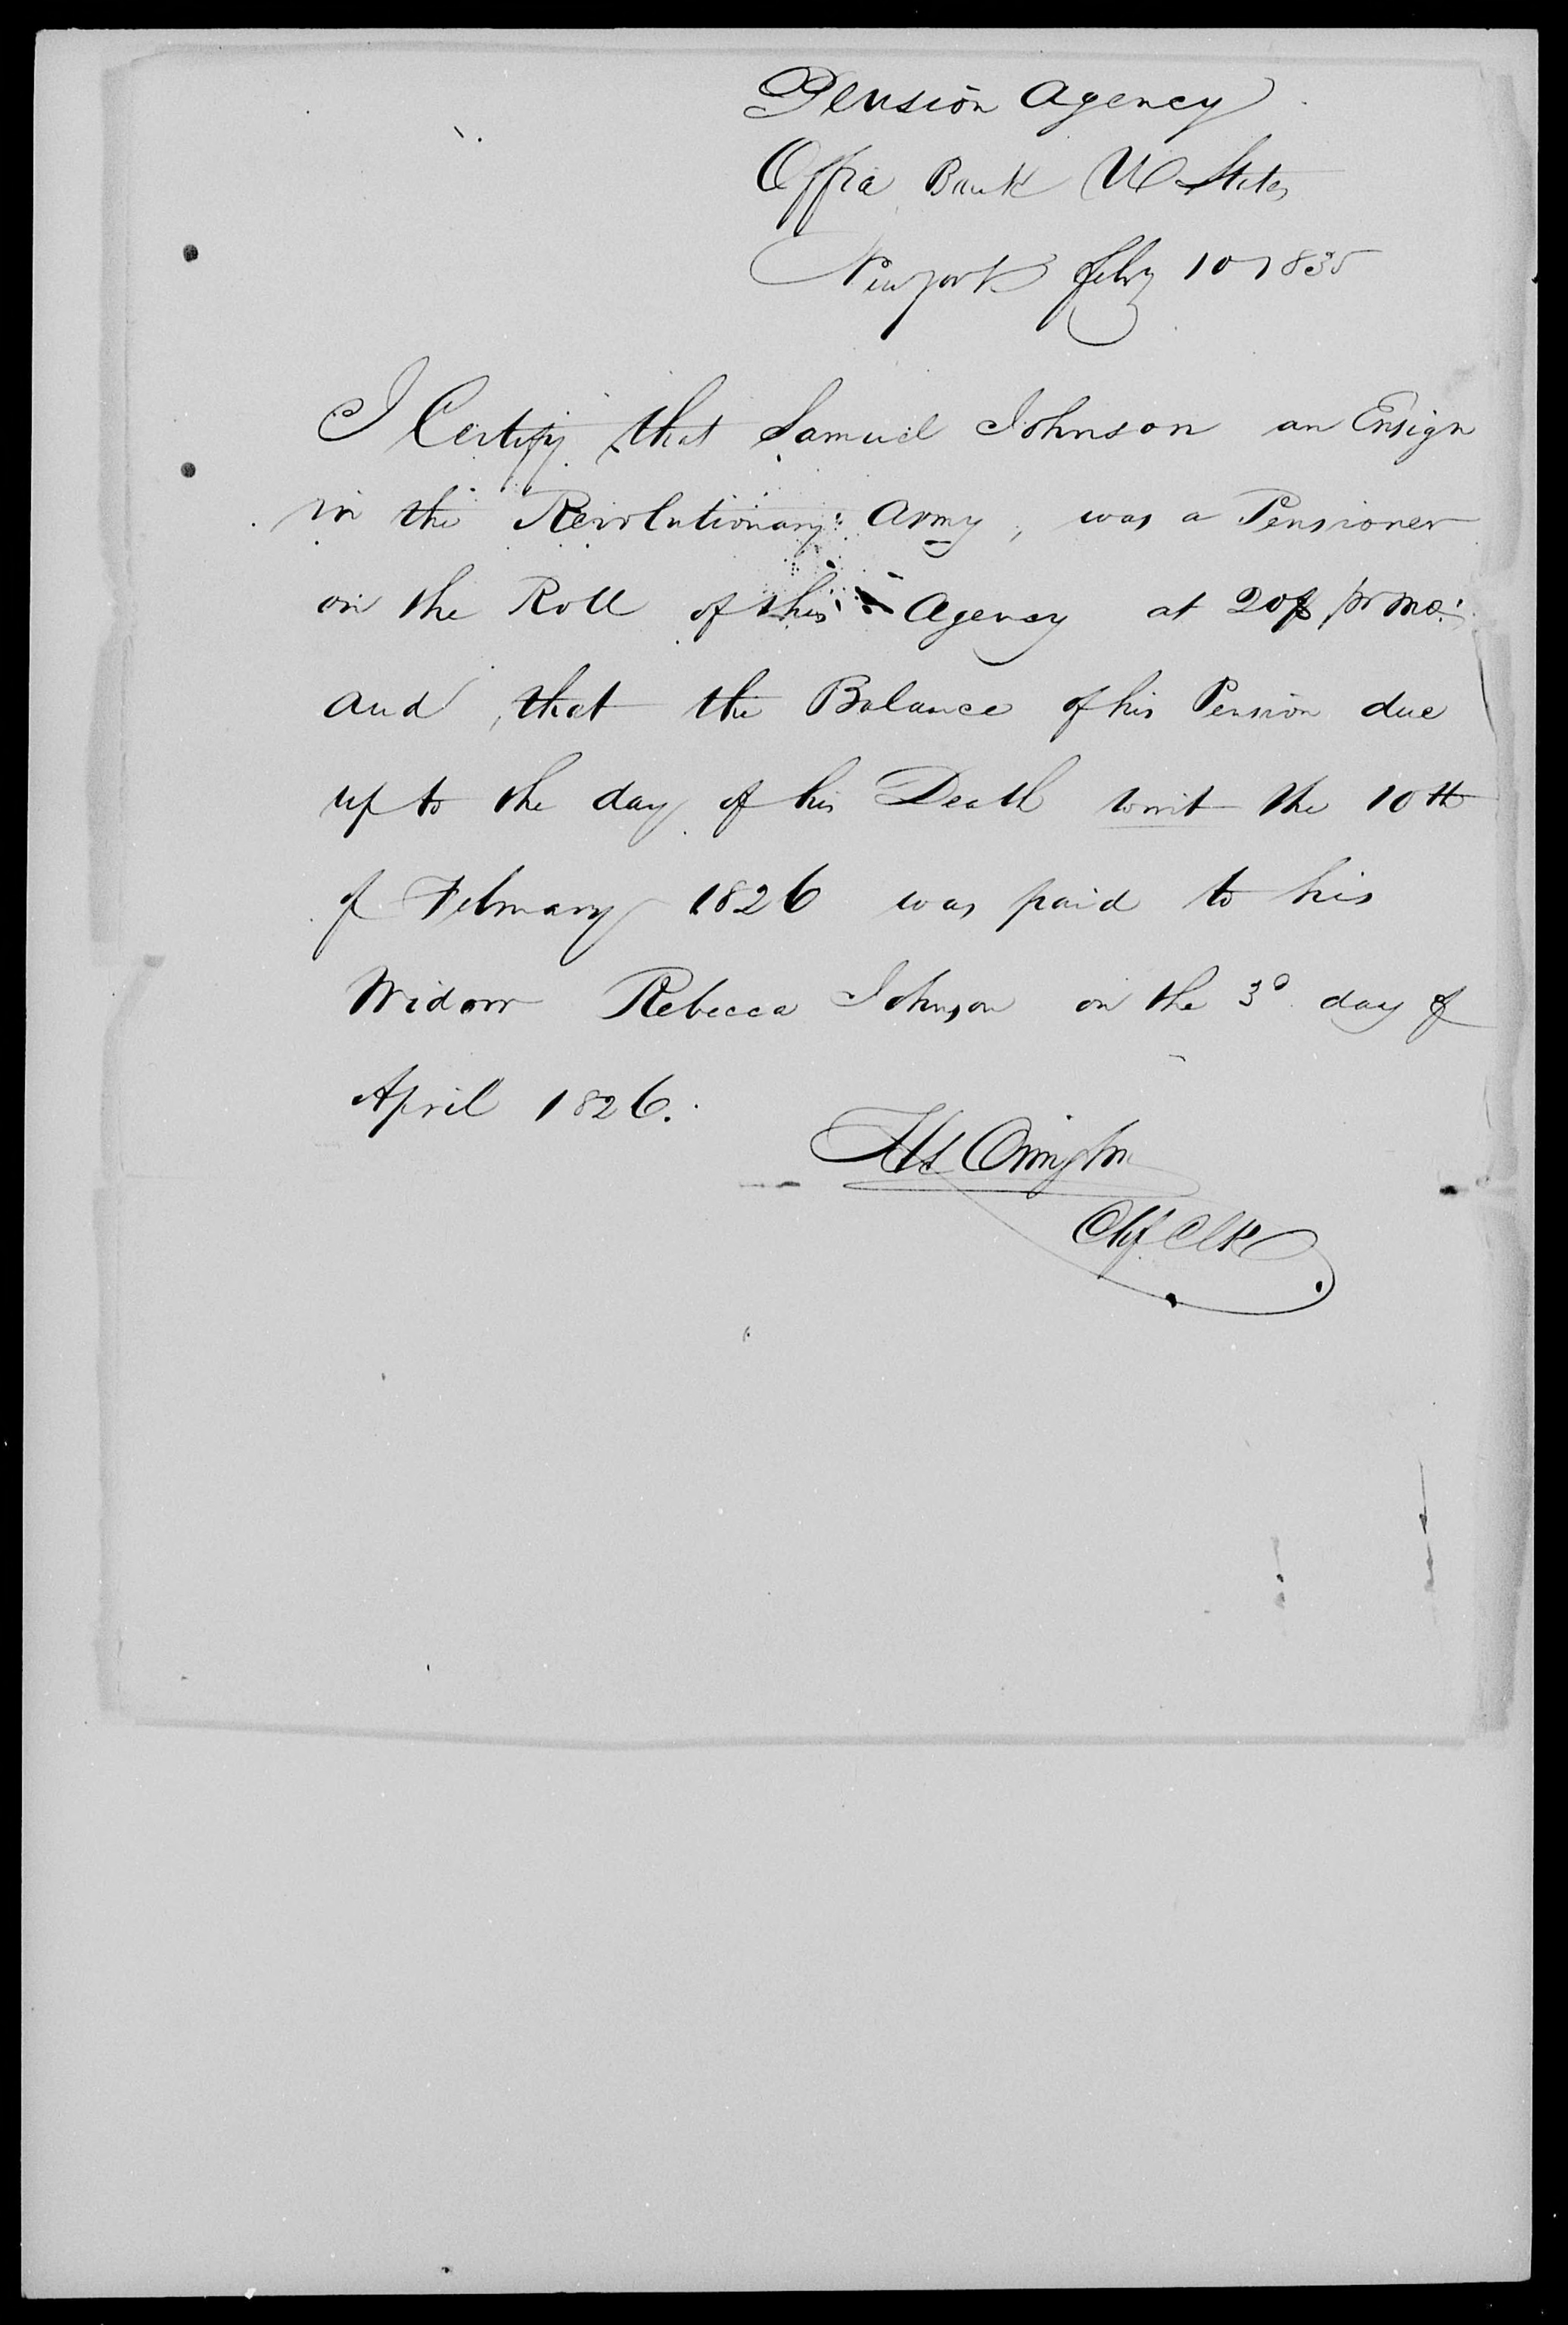Pension Agency 
Office Bank U. S. States 
Newport  July 10 1835  
I certify that Samuel Johnson an Ensign in the Revolutionary Army, was a Pensioner on the Roll of this Agency at 20$ per month and that the Balance of his Pension due up to the day of his Death to wit the 10th  of February 1826 was paid to his Widow Rebecca Johnson on the 3d day of April 1826 
T. H. Orington
Chf Clk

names: T H Orington; Samuel Johnson; Rebecca Johnson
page: 21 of 43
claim: rejected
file: R. 5655, for Samuel Johnson, Connecticut